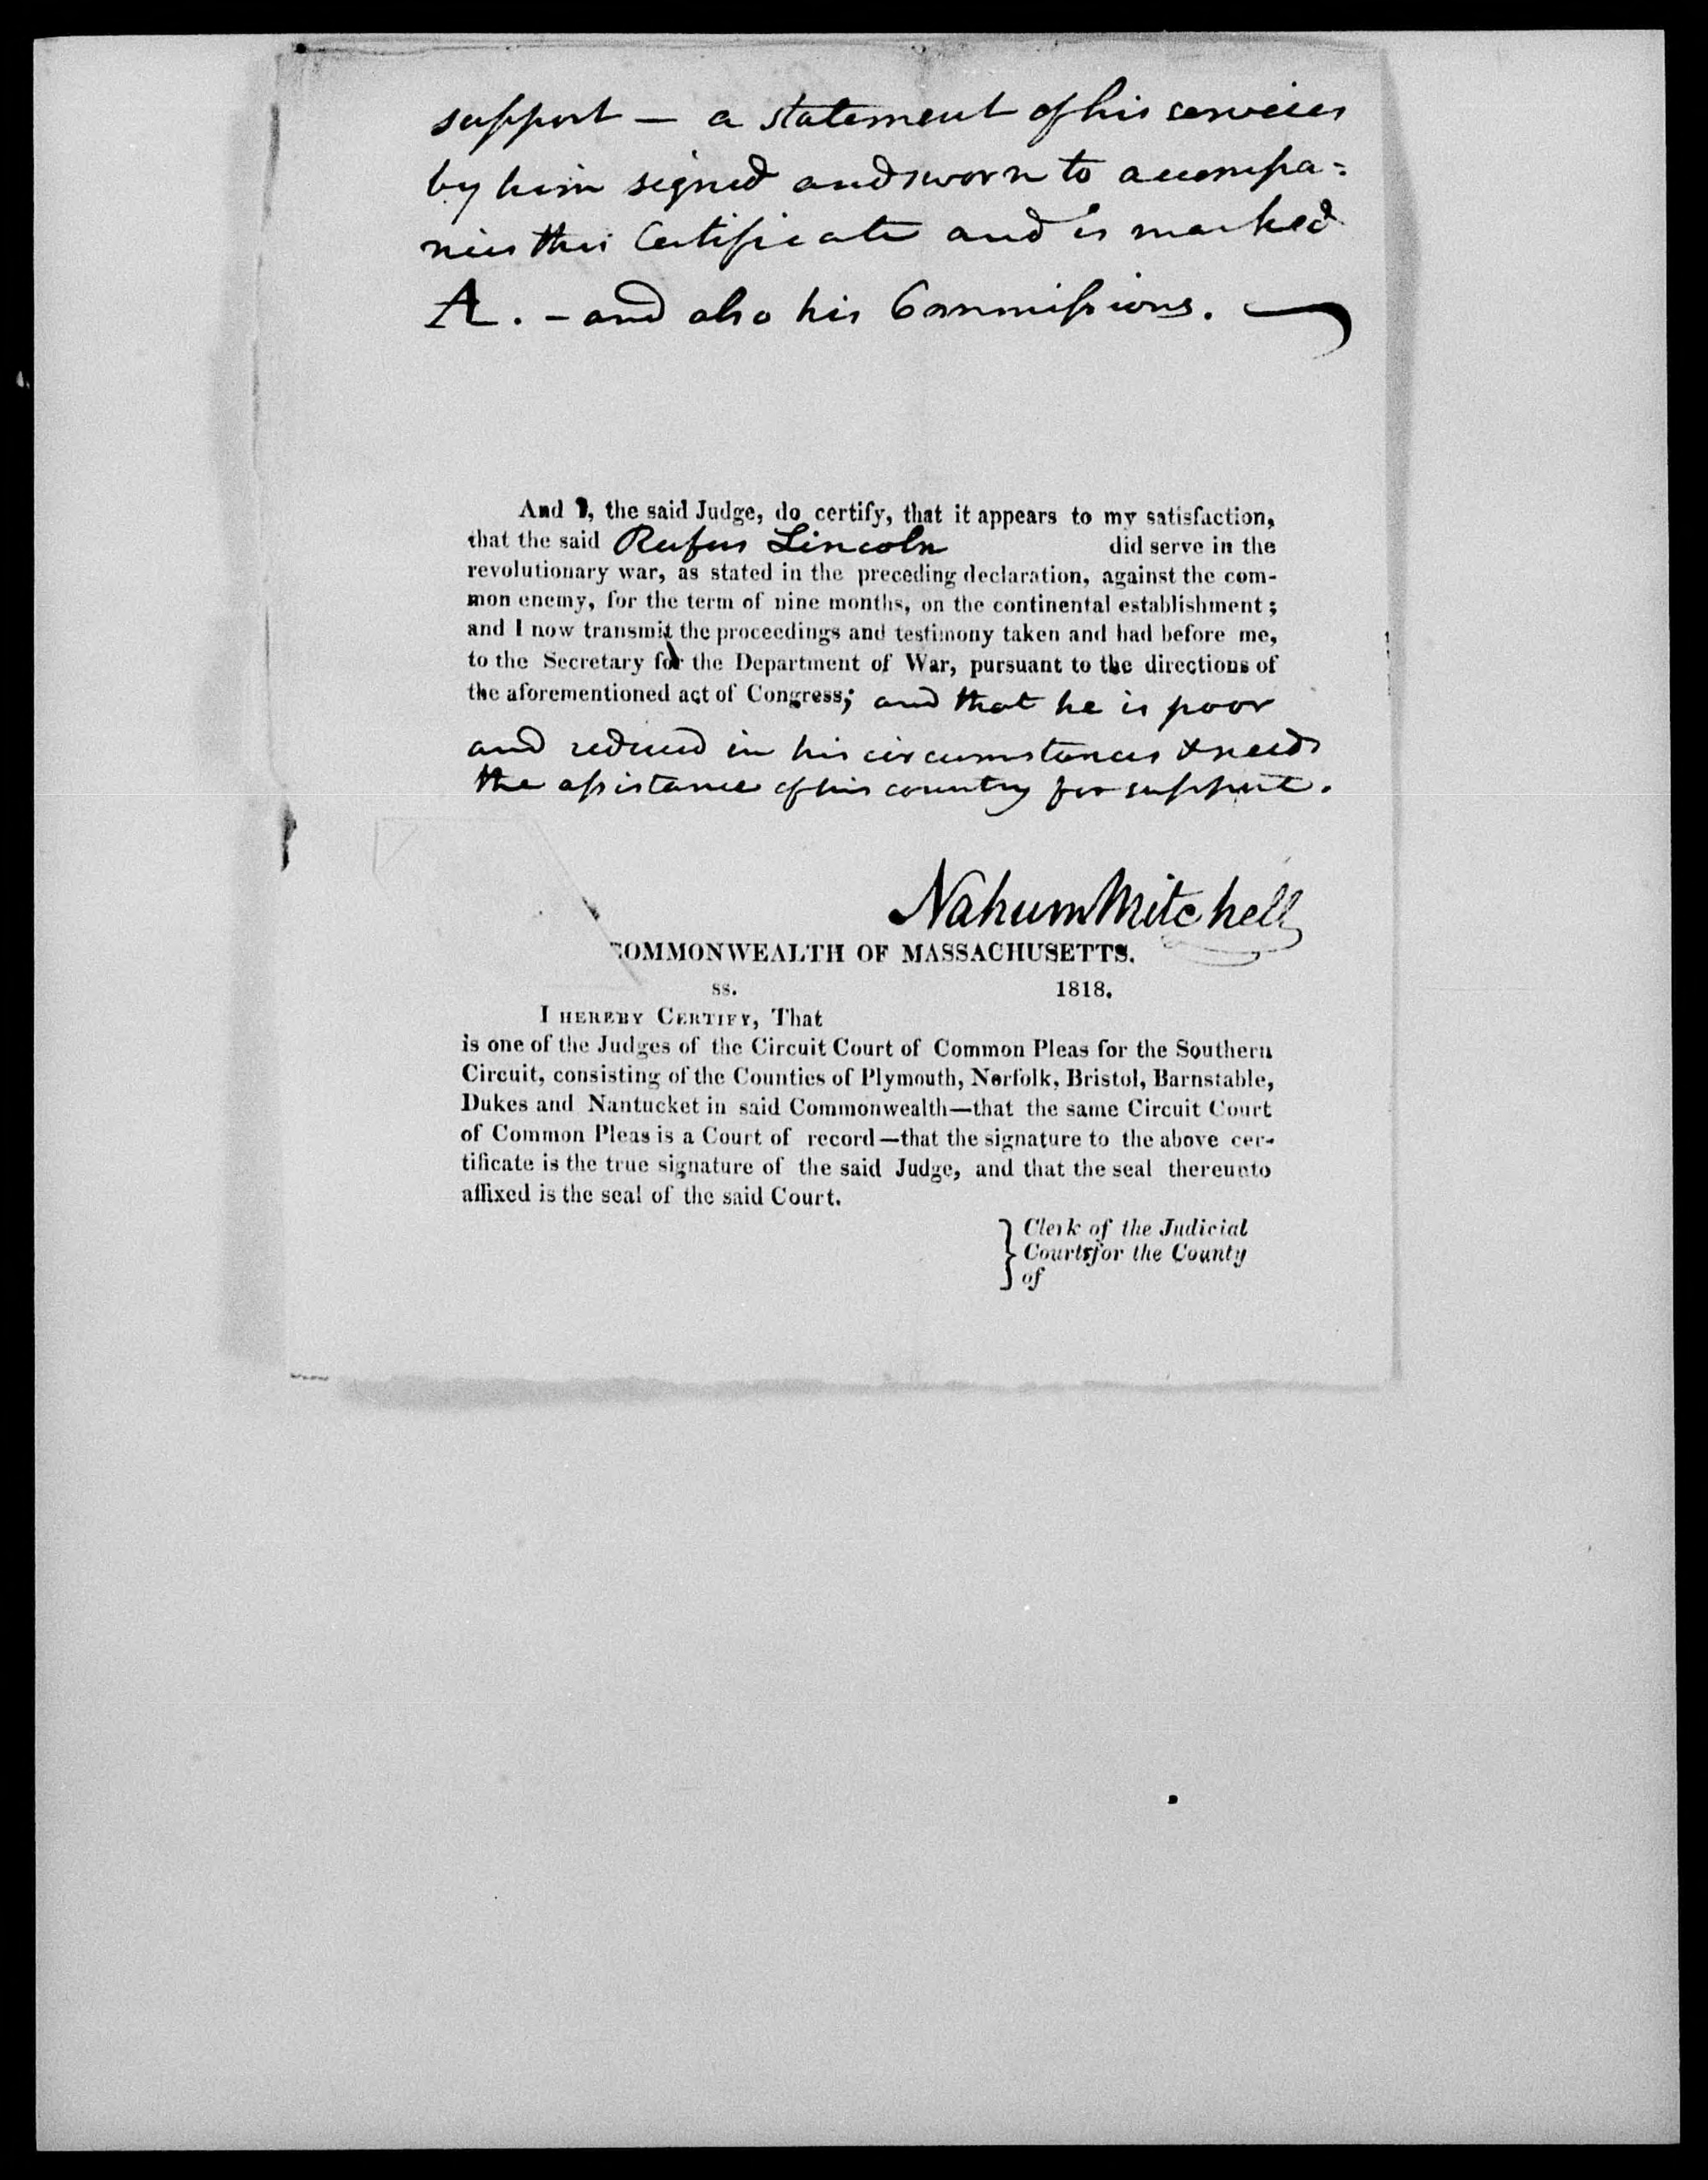support - a statement of his services
by him signed and sworn to accompanies this certificate and is marked
A. - and also his Commissions.
And I, the said Judge, do certify, that it appears to my satisfaction that the said Rufus Lincoln
did serve in the revolutionary war, as stated in the preceding declaration, against the common enemy, for the term of nine months, on the continental establishment;
and I now transmit the proceedings and testimony taken and had before me,
to the Secretary for the Department of War, pursuant to the directions of the aforementioned act of Congress; and that he is poor and reduced in his circumstances & needs the assistance of his country for support.
Nahum Mitchell
COMMONWEALTH OF MASSACHUSETTS.
SS.          1818.
I HEREBY CERTIFY, That
is one of the Judges of the Circuit Court of Common Pleas for the Southern
Circuit, consisting of the Counties of Plymouth, Norfolk, Bristol, Barnstable, Dukes and Nantucket in said Commonwealth--that the same Circuit Court of Common Pleas is a Court of record -  that the signature to the above certificate is the true signature of the said Judge, and that the seal thereunto affixed is the seal of the said Court.
}Clerk of the Judicial
}Courts for the County
}of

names: Nahum Mitchell; Rufus Lincoln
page: 7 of 82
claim: widow's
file: W. 13,634, for Rufus Lincoln, Massachusetts